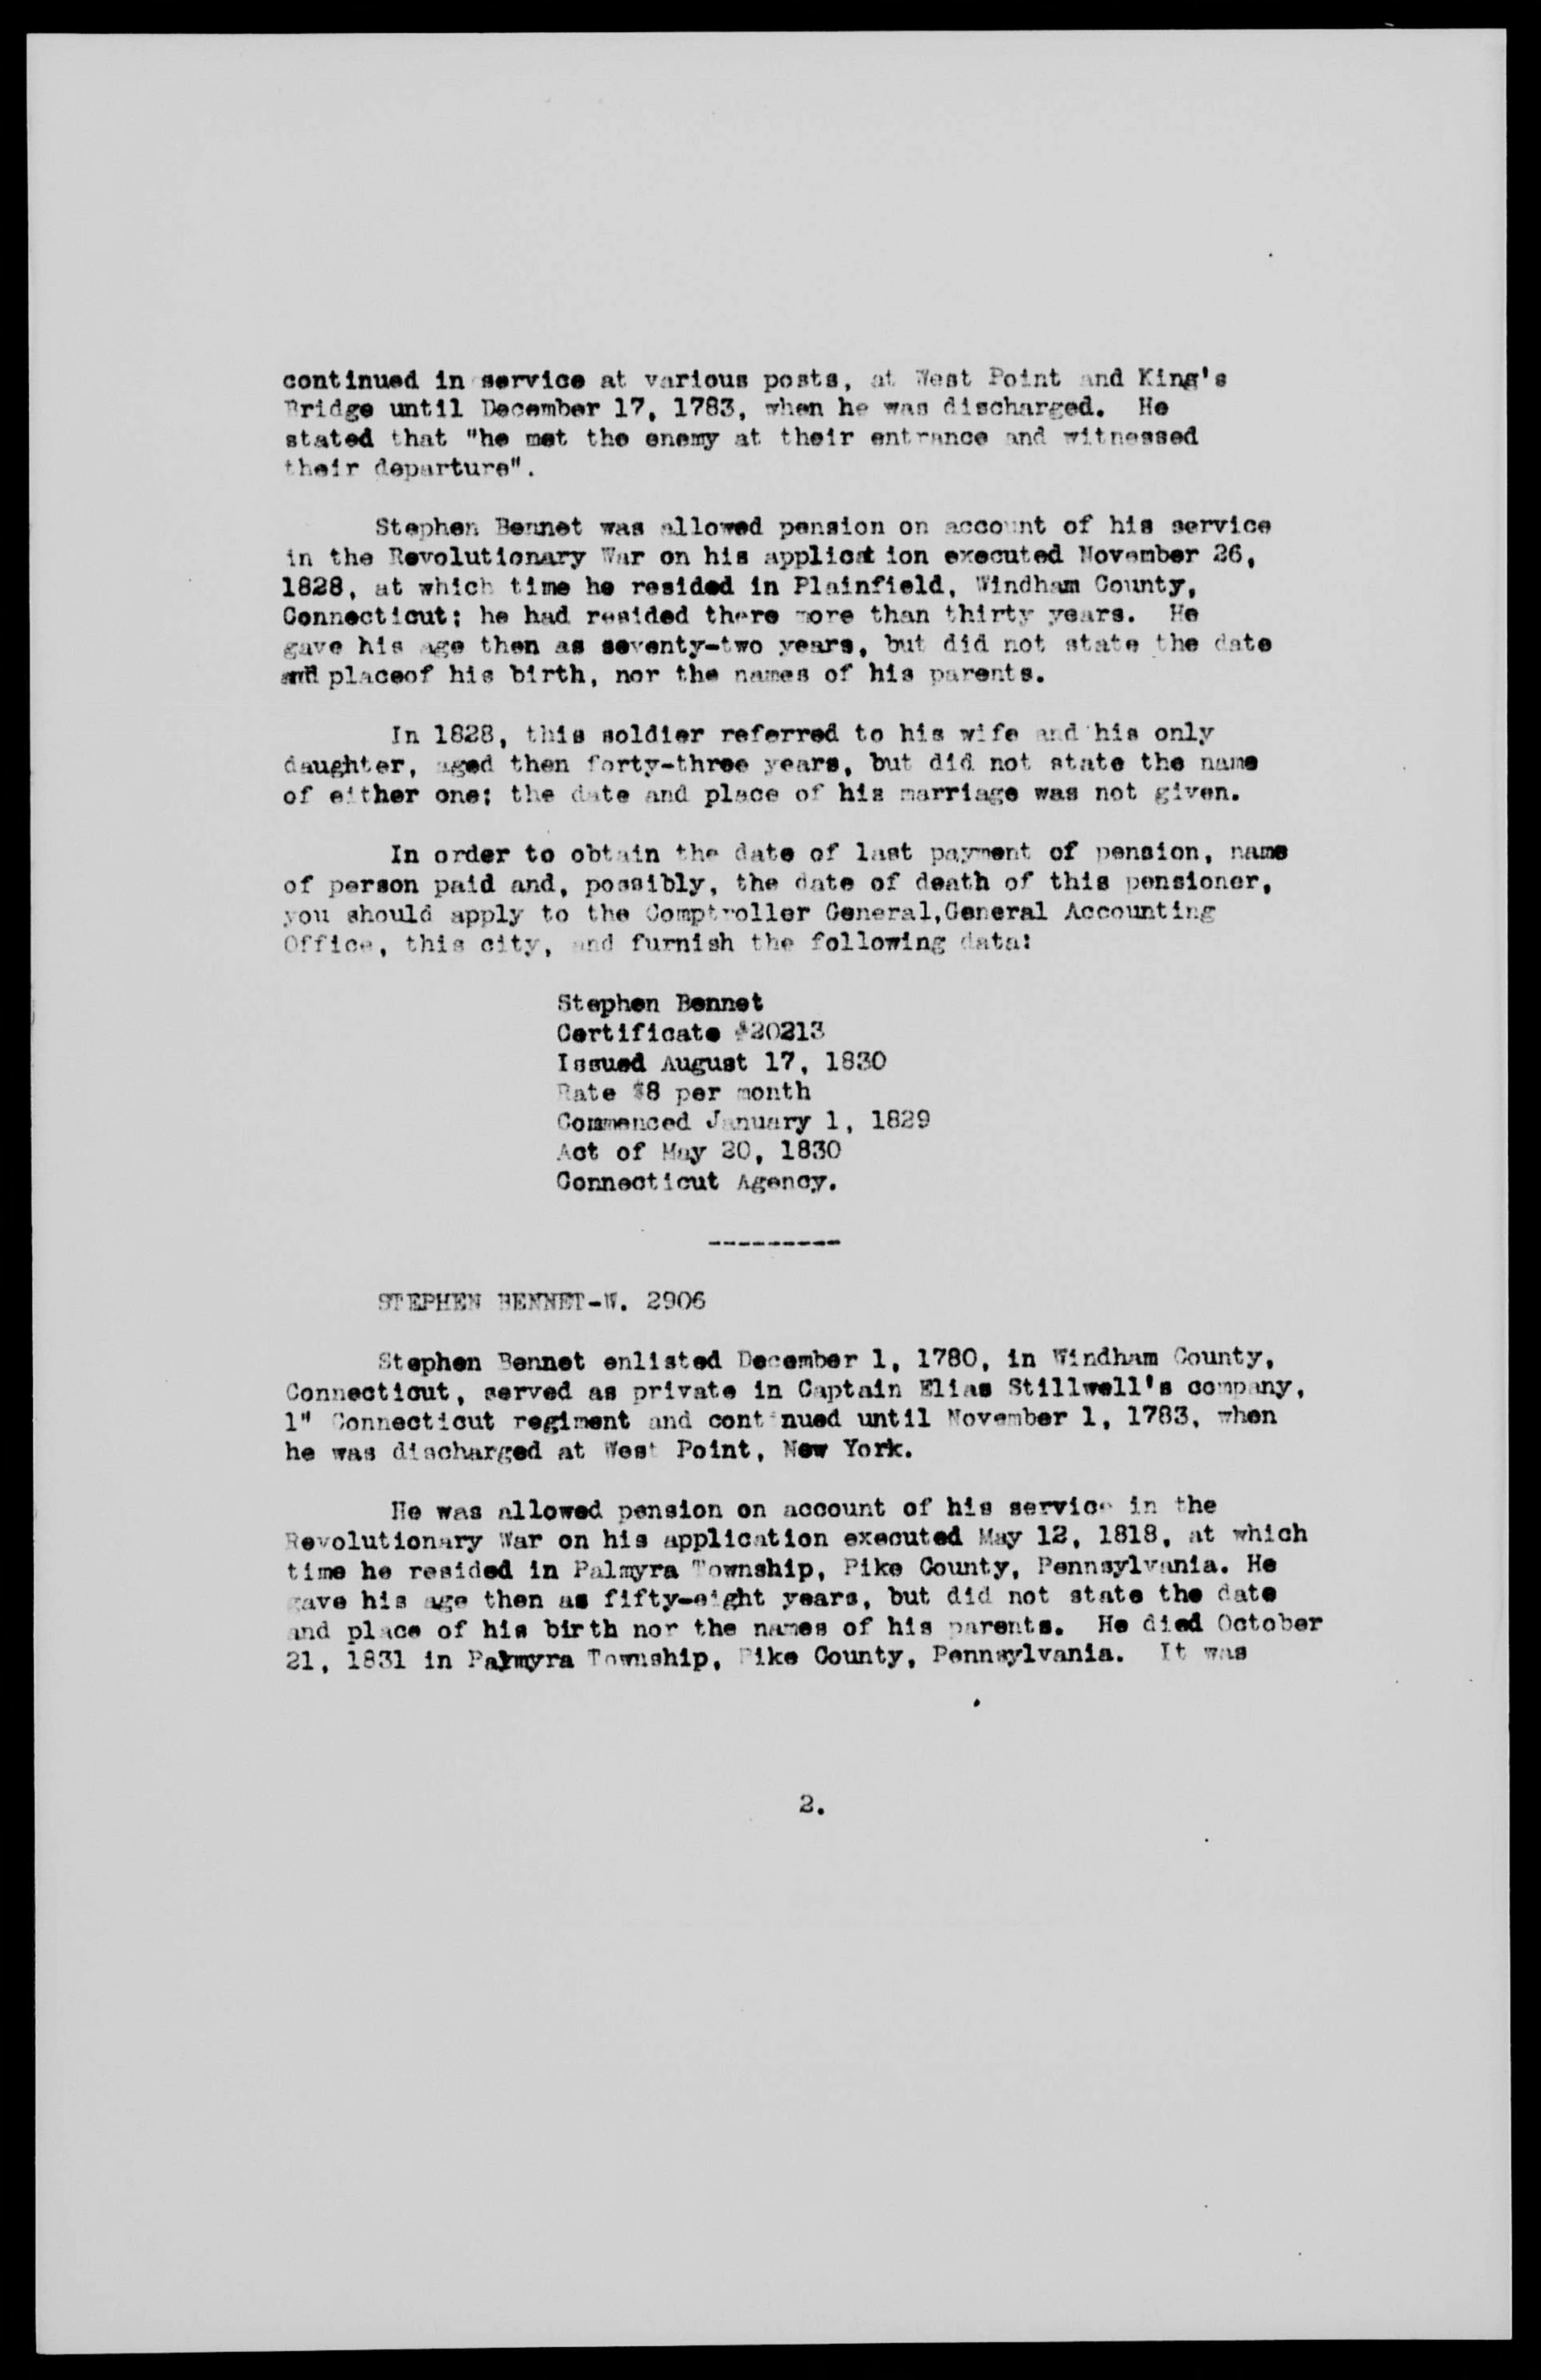continued in service at various posts, at West Point and King's Bridge until December 17, 1783, when he was discharged. He stated that "he met the enemy at their entrance and witnessed their departure". Stephen Bennett was allowed pension on account of his service in the Revolutionary War on his application executed November 26, 1828, at which time he resided in Plainfield, Windham County, Connecticut; he had resided there more than thirty years. He gave his age then as seventy-two years, but did not state the date and placeof his birth, nor the names of his parents. In 1828, this soldier referred to his wife and his only daughter, aged then forty-three years, but did not state the name of either one; the date and place of his marriage was not given.
In order to obtain the date of last payment of pension, name of person paid and, possibly, the date of death of this pensioner, you should apply to the Comptroller General, General Accounting
Office, this city, and furnish the following data:
Stephen Bennett Certificate #20213 Issued August 17, 1830 Rate $8 per month Commenced January 1, 1829 Act of May 20, 1830 Connecticut Agency. STEPHEN BENNET-W. 2906 Stephen Bennett enlisted December 1, 1780, in Windham County, Connecticut, served as private in Captain Elias Stillwell's company, 1st Connecticut regiment and continued until November 1, 1783, when he was discharged at West Point, New York. He was allowed pension on account of his service in the Revolutionary War on his application executed May 12, 1818, at which time he resided in Palmyra Township, Pike County, Pennsylvania. He gave his age then as fifty-eight years, but did not state the date and place of his birth nor the names of his parents. He died October 21, 1831 in Palmyra Township, Pike County, Pennsylvania. It was 2.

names: Stephen Bennet, Stephen Bennet, Stephen Bennet, Stephen Bennet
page: 73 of 79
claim: widow's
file: W. 2,906, Stephen Bennet, Conn.